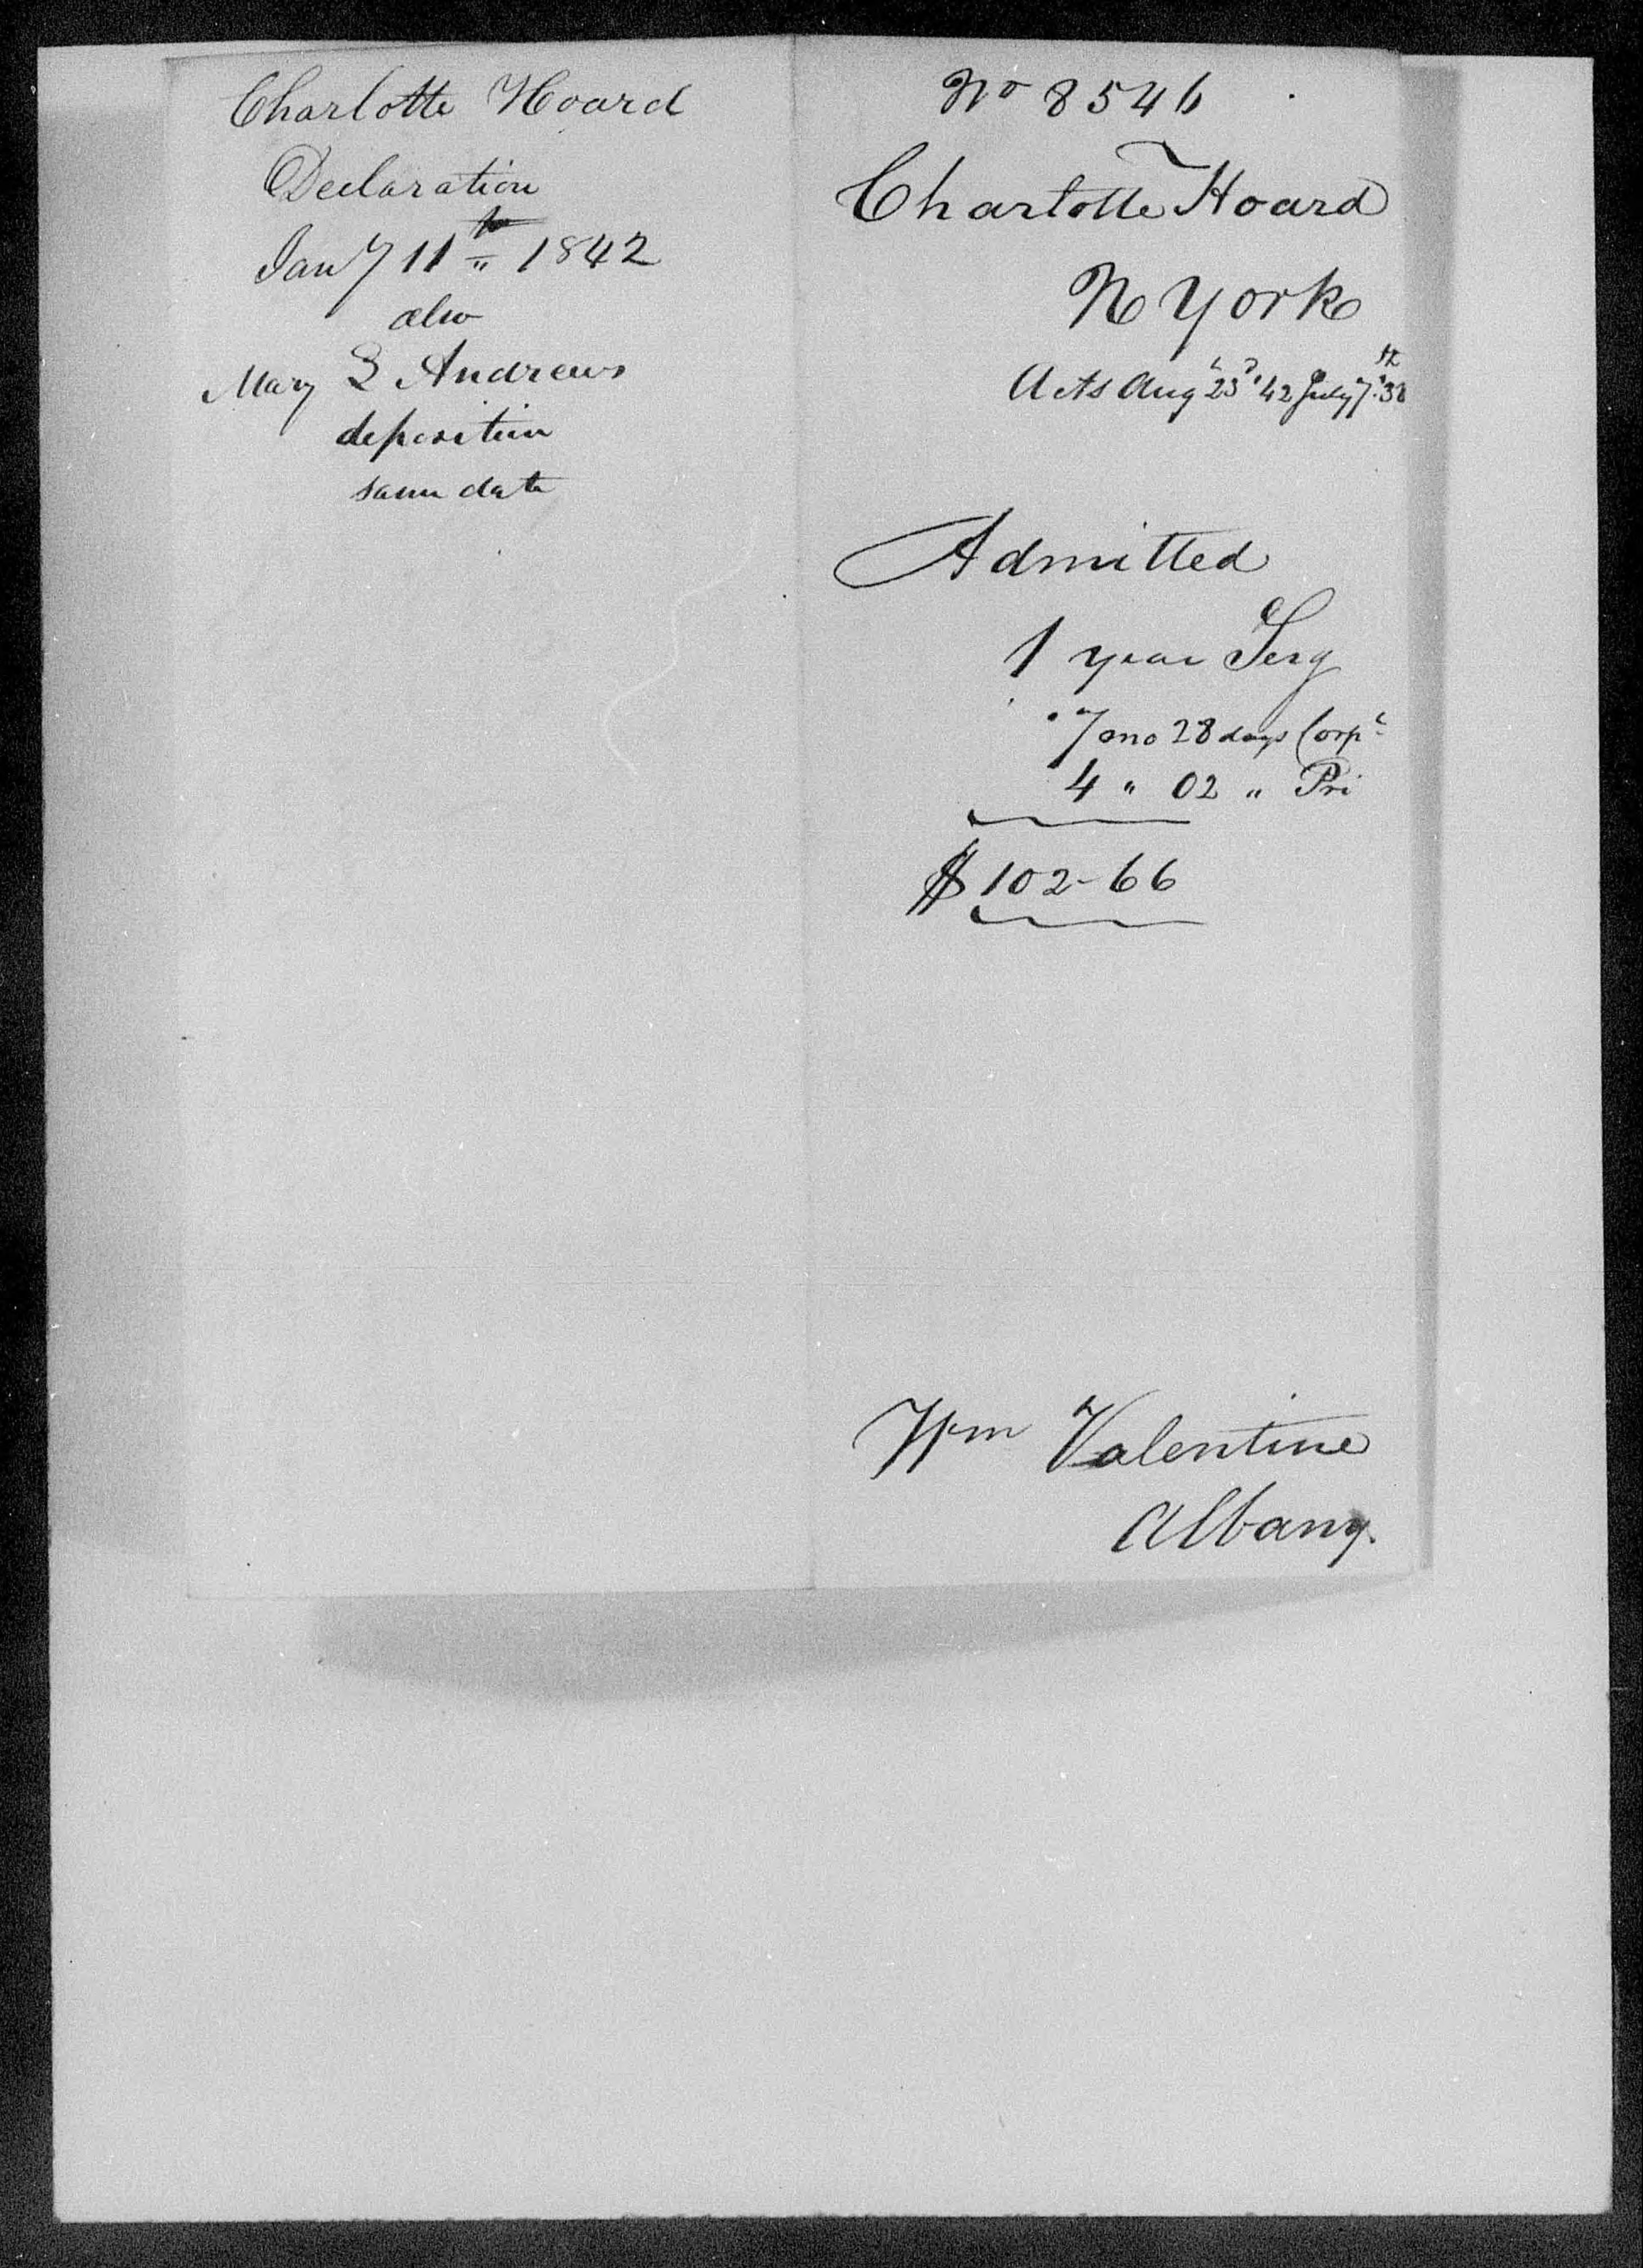{left side]
Charlotte Hoard
Declaration
Jany 11th 1842
also 
Mary S. Andrews
deposition
same date

{right side]
Charlotte Hoard
N York
Acts Aug 23d '42   July 7th '38

Admitted
1 year Serg
7 mo 28 days Corpl.
4 mo 02 days Pri

= $102.66


Wm Valentine 
Albany.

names: Charlotte Hoard, Mary L Andrews, Wm Valentine, Charlotte Hoard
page: 36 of 52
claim: widow's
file: W 19755, Jonathan Hoard, Mass.